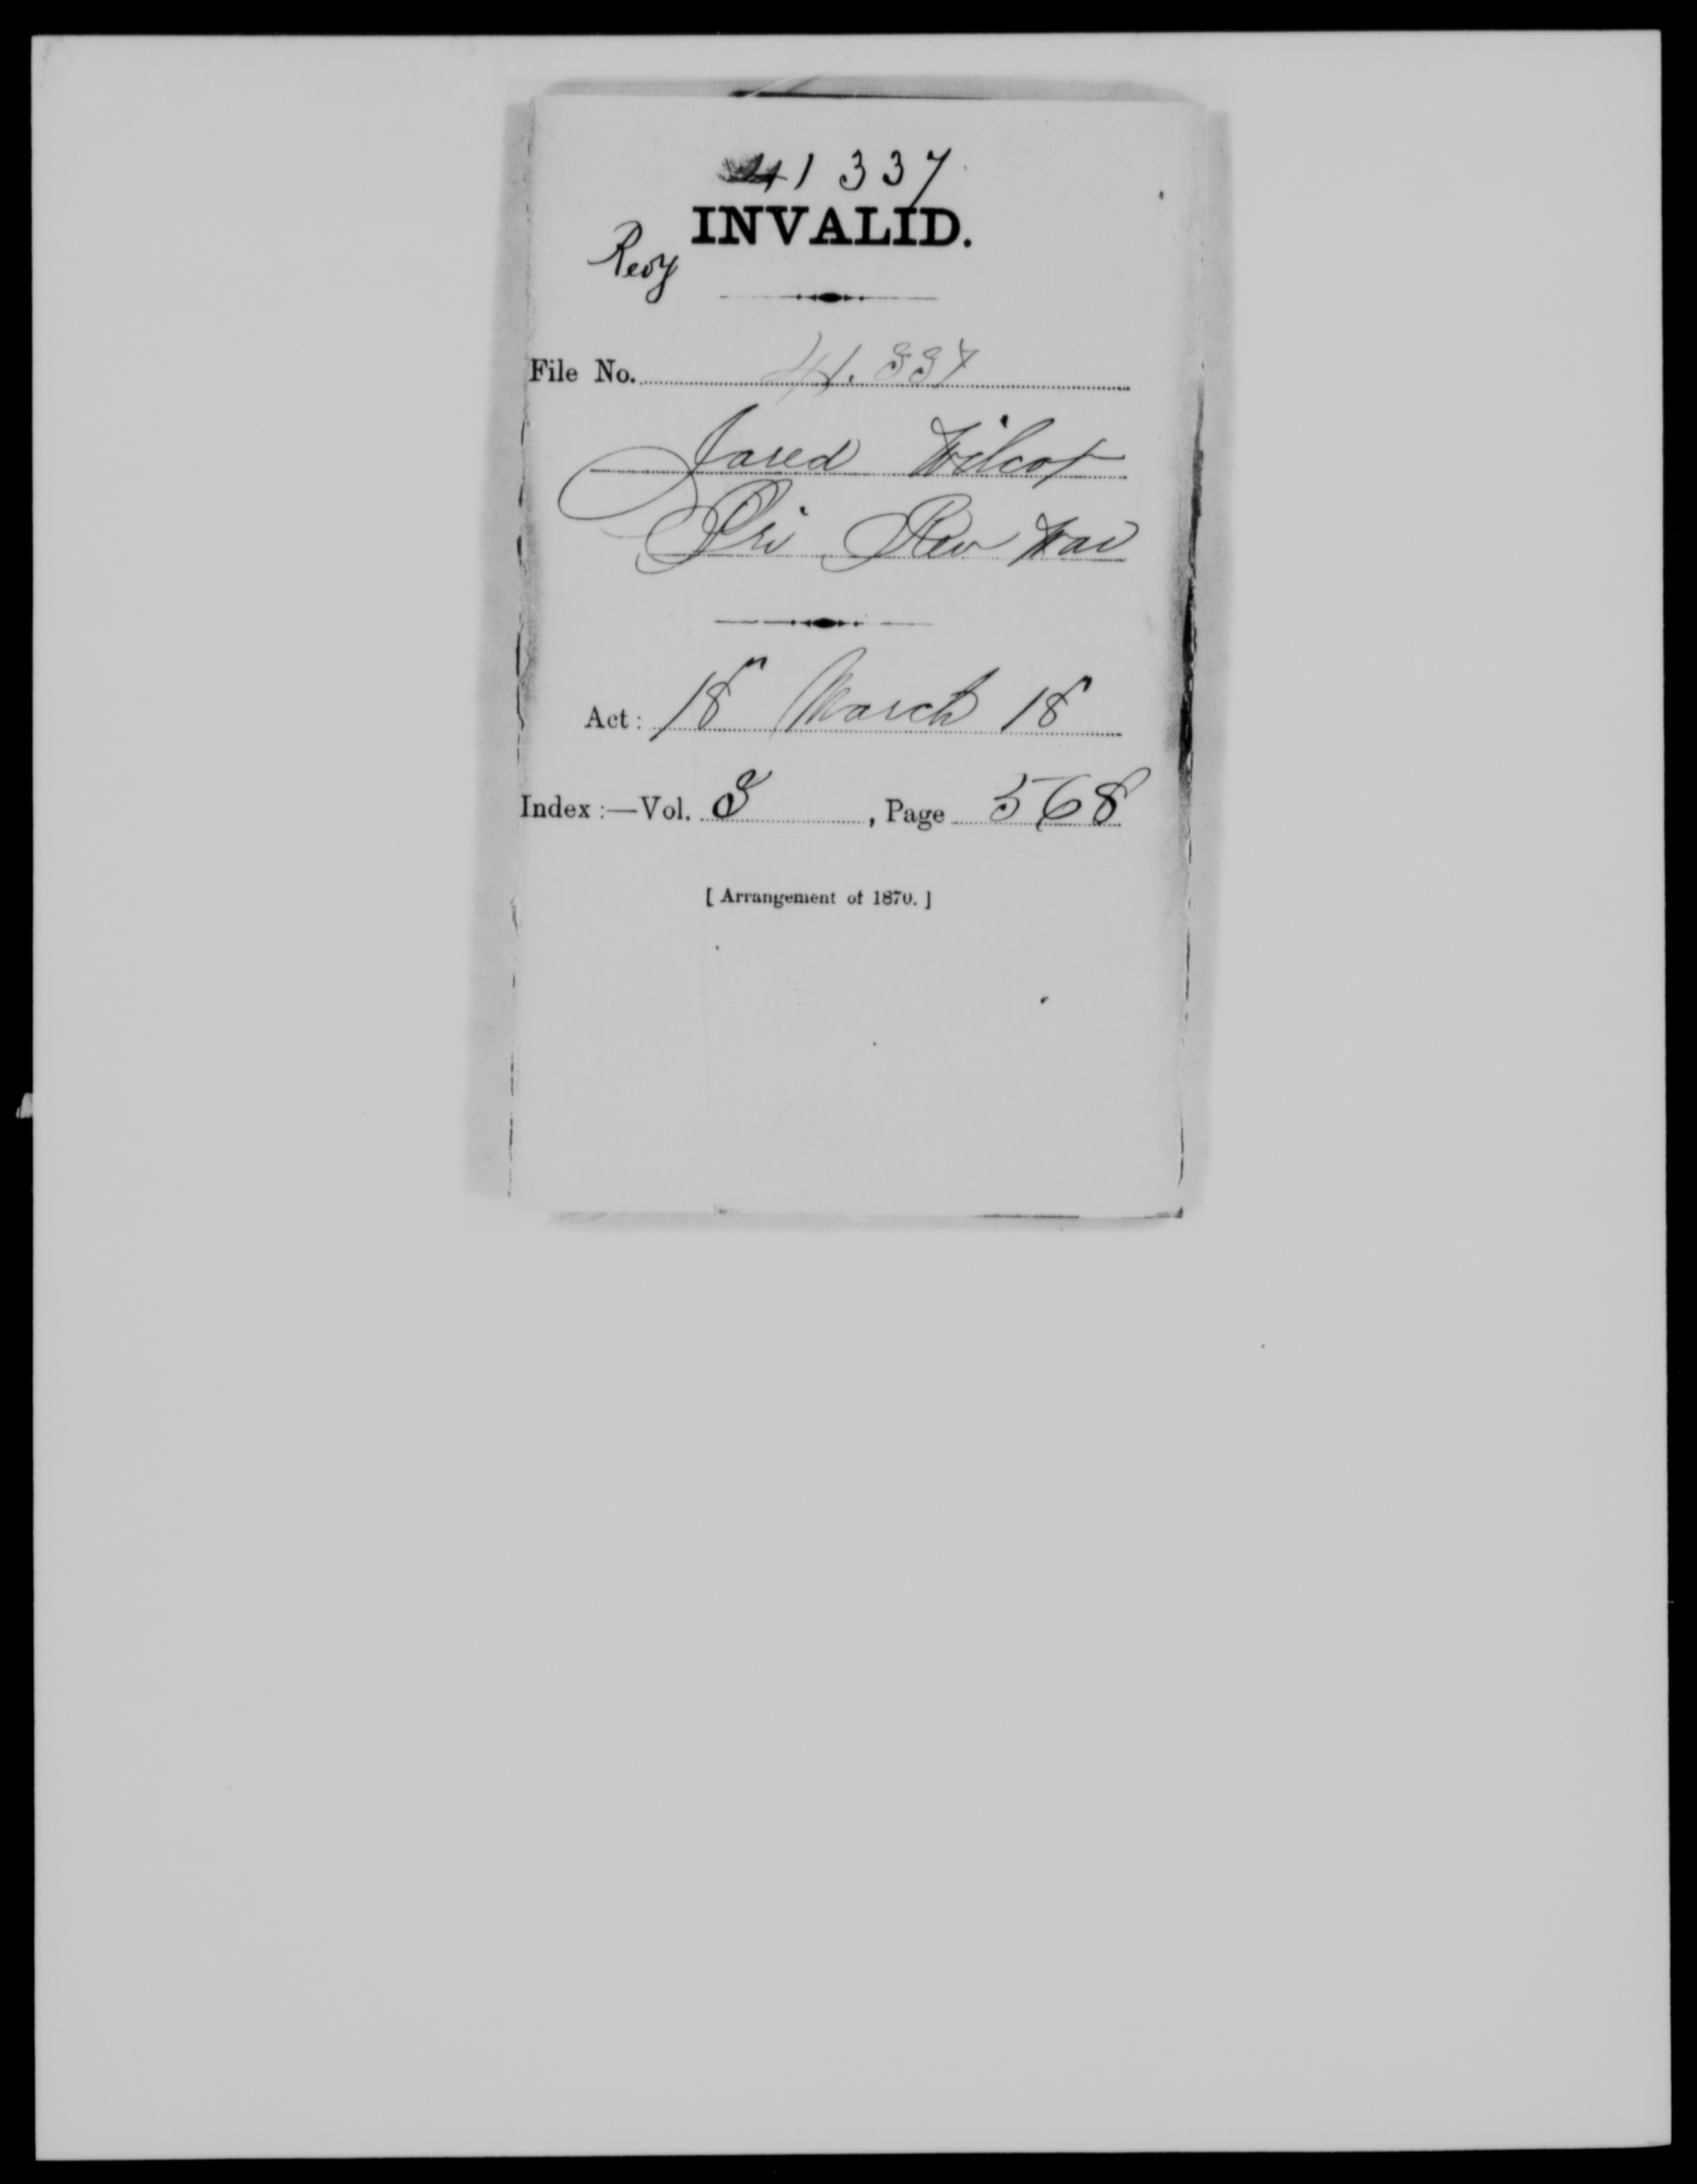41337

INVALID.
Revy

File No.  41.337

Jared Wilcox
Pri Rev War

Act:  18 March 18

Index: -- Vol. S,  Page 568

[Arrangement of 1870.]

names: Jared Wilcox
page: 33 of 34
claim: survivor's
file: S. 41337, Jared Wilcox, Continental Mass.